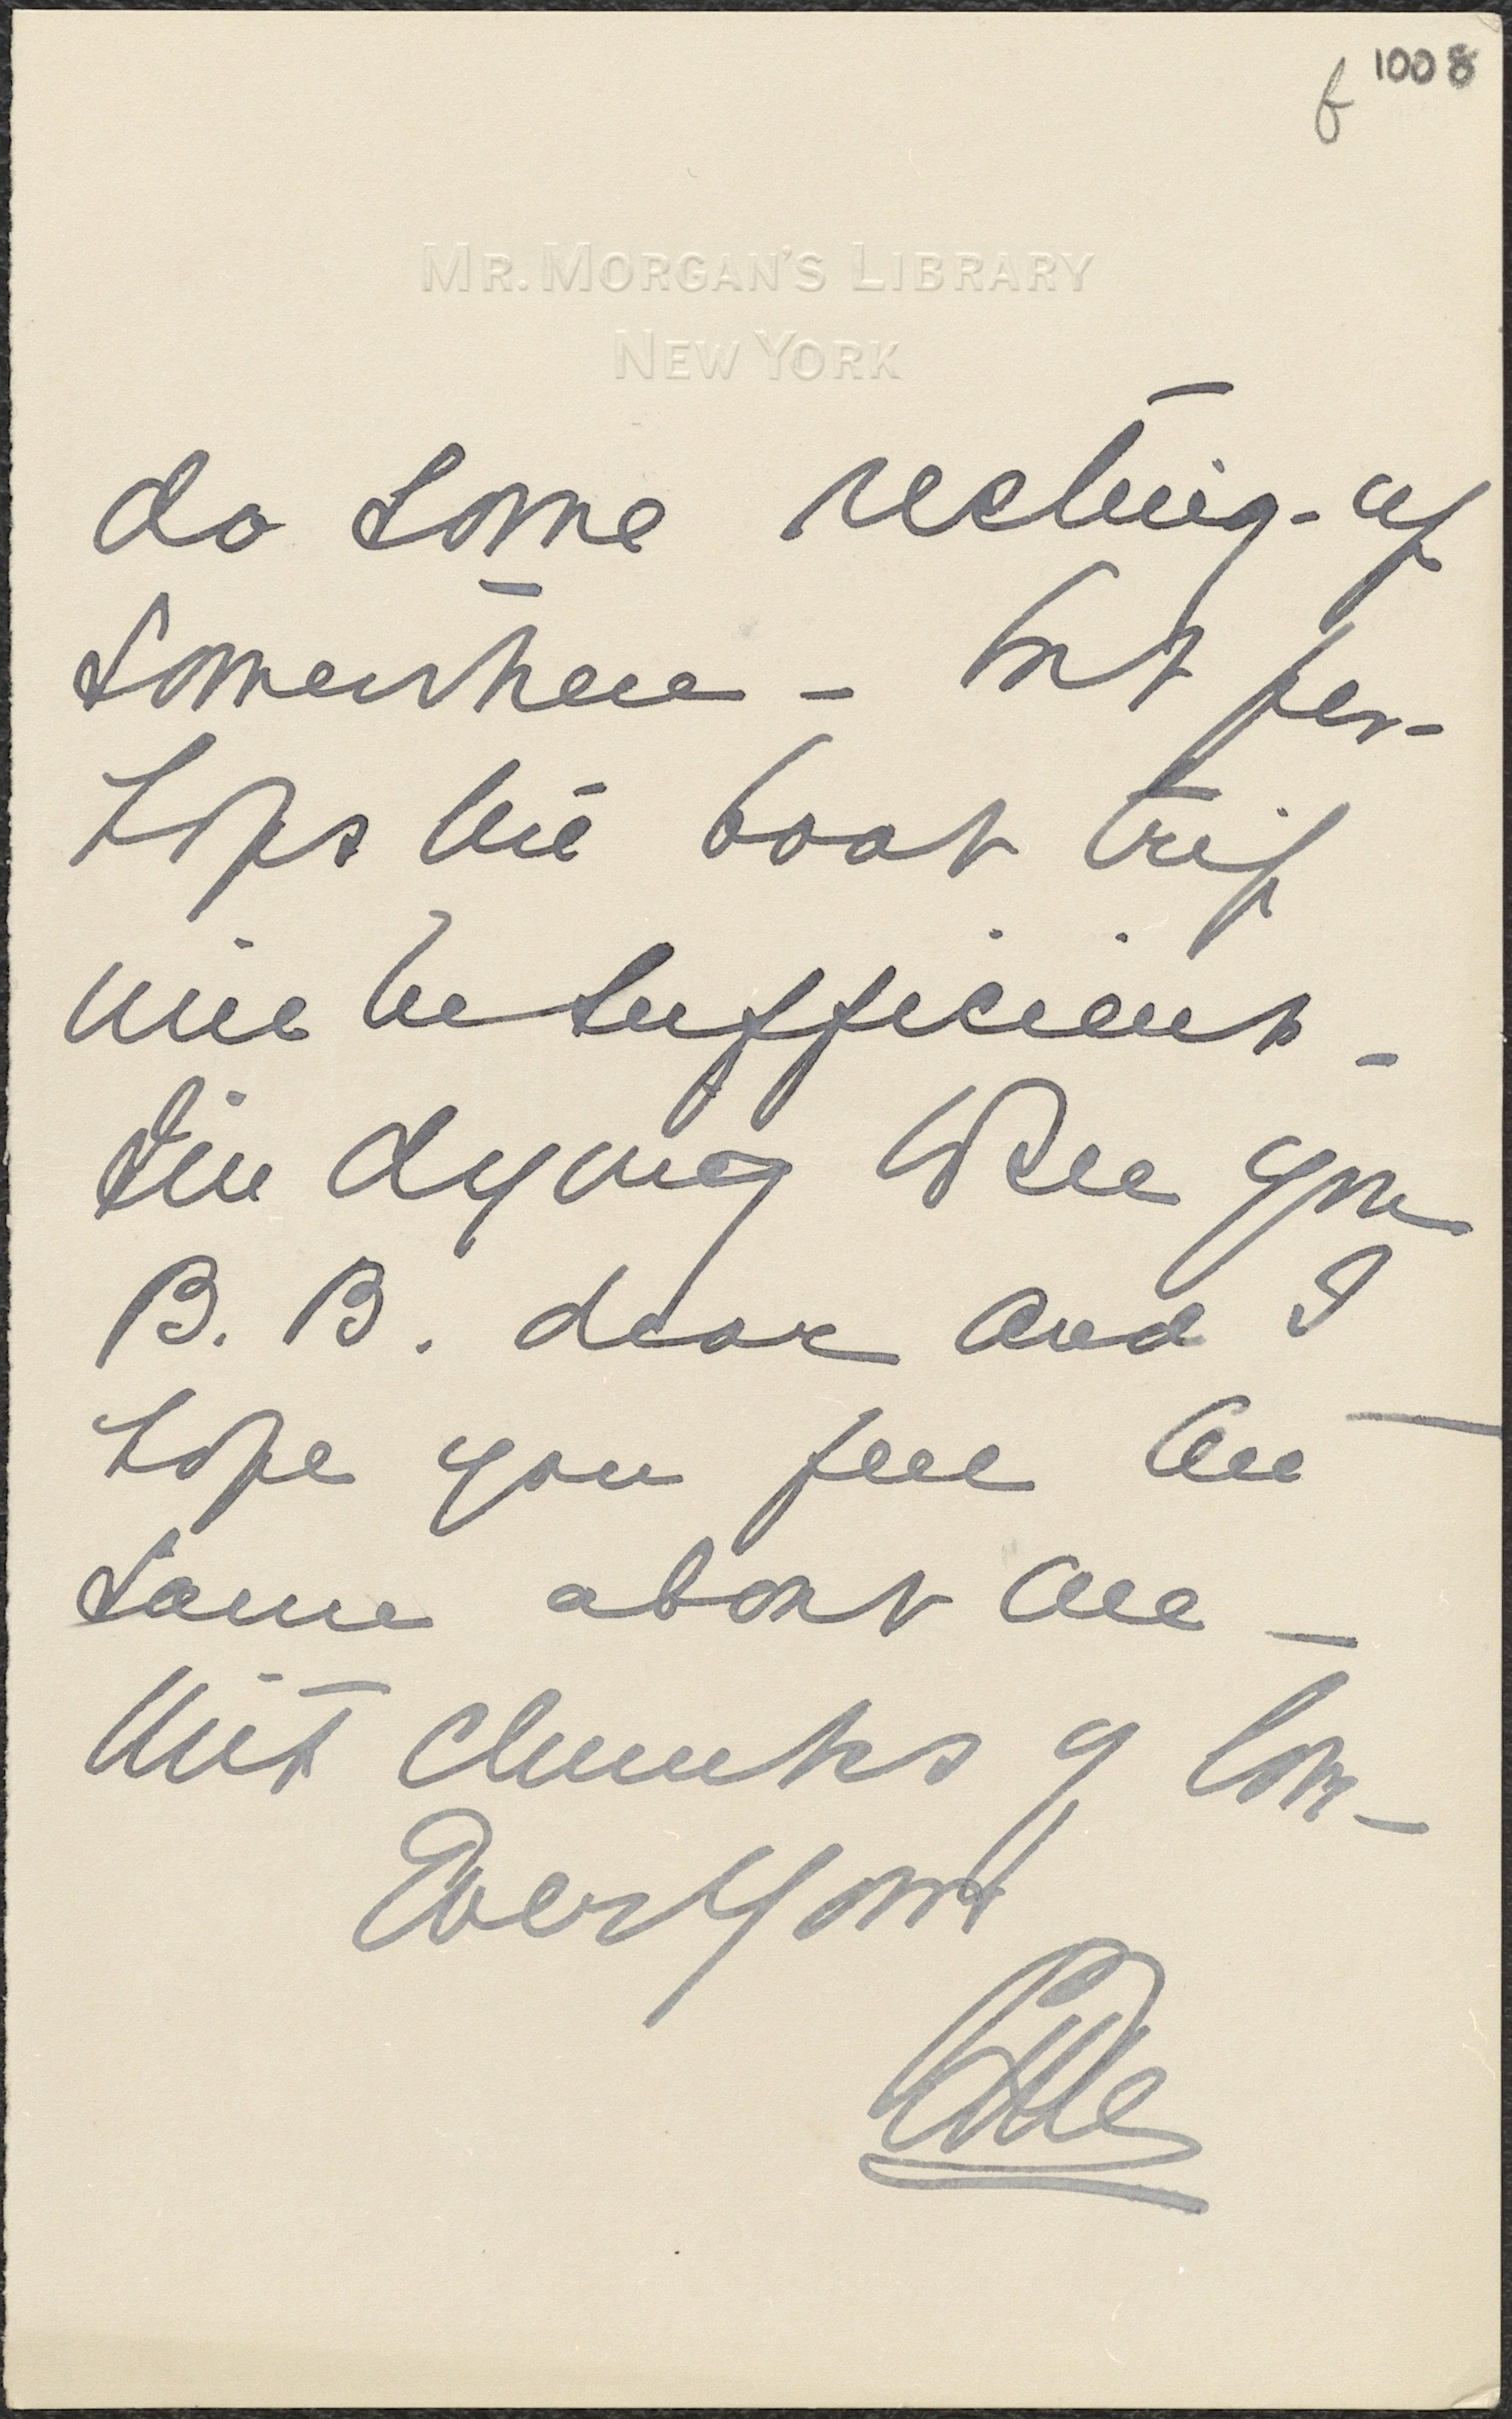do some resting-up somewhere – but perhaps the boat trip will be sufficient –
I’m dying to see you B. B. dear and I hope you feel the same about me –
With chunks of love –
Ever Your
Belle